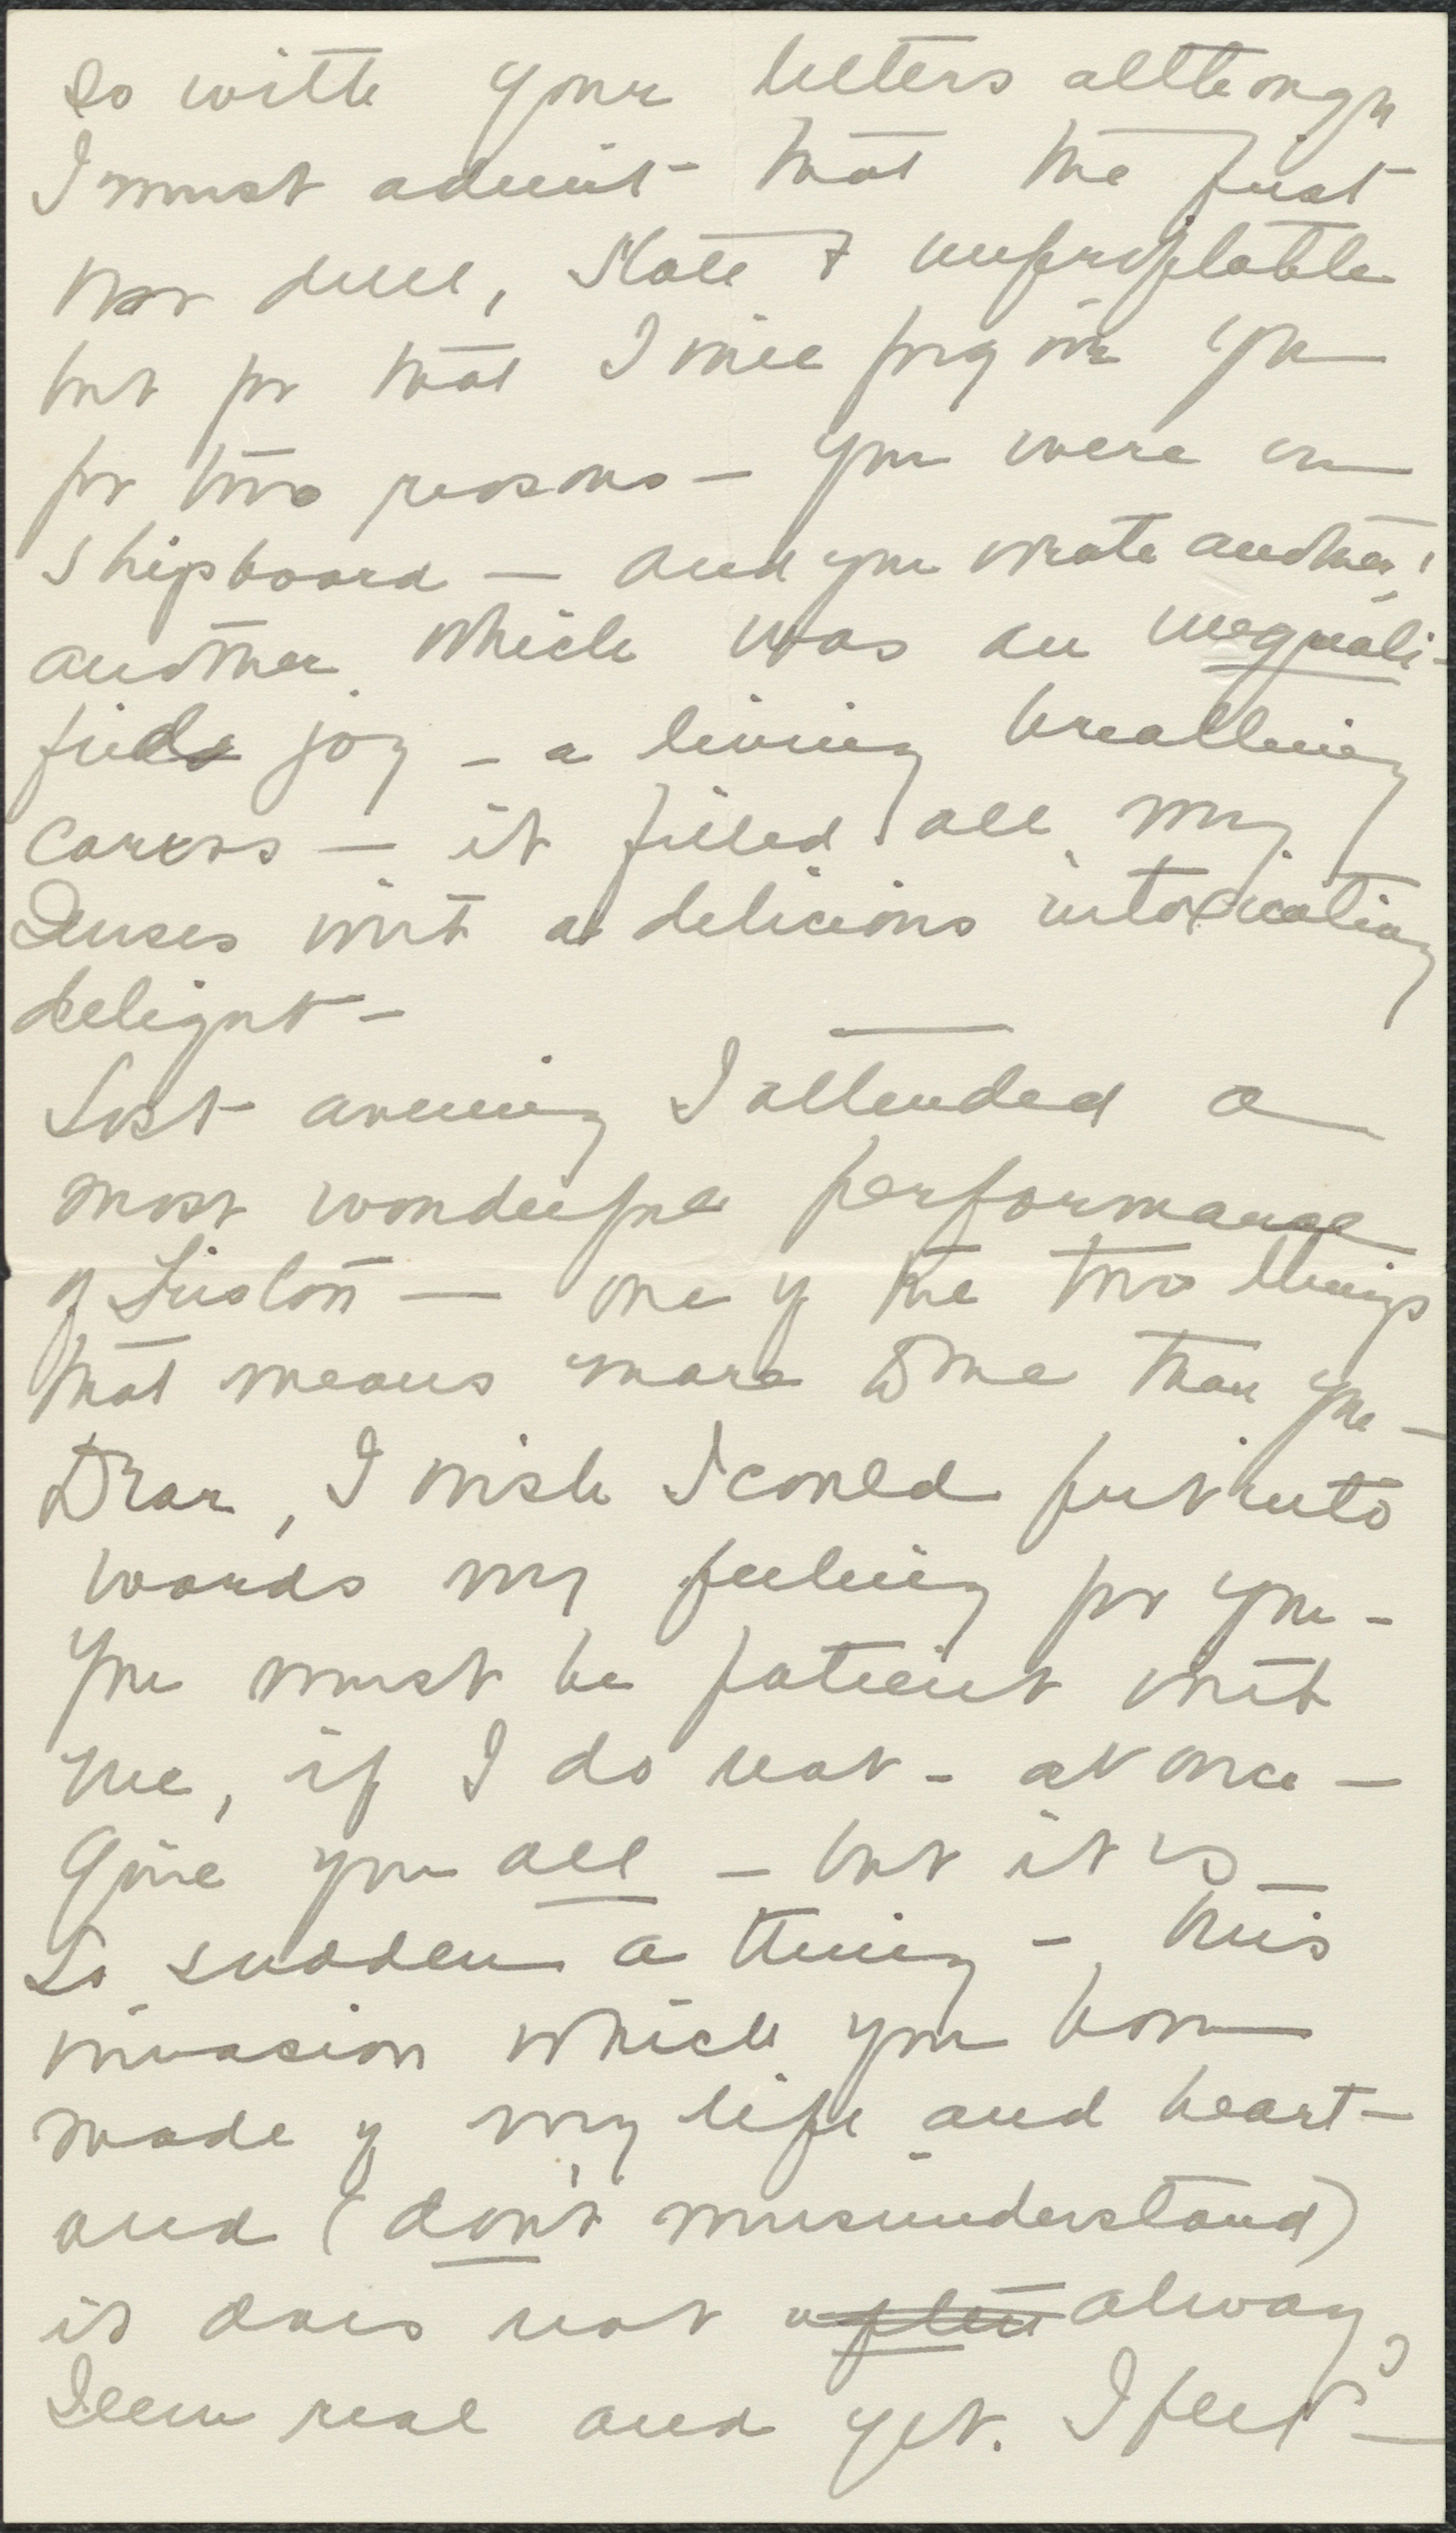so with your letters although I must admit that the first was dull, stale & unprofitable but for that I will forgive you for two reasons – you were on shipboard – and you wrote another & another which was an unqualified joy – a living breathing caress – it filled all my senses with a delicious intoxicating delight –
Last evening I attended a most wonderful performance of Tristan – one of the two things that means more to me than you – Dear, I wish I could put into words my feeling for you – you must be patient with me, if I do not – at once – give you all – but it is so sudden a thing – this invasion which you have made of my life and heart – and (don’t misunderstand) it does not often always seem real and yet. I feel –